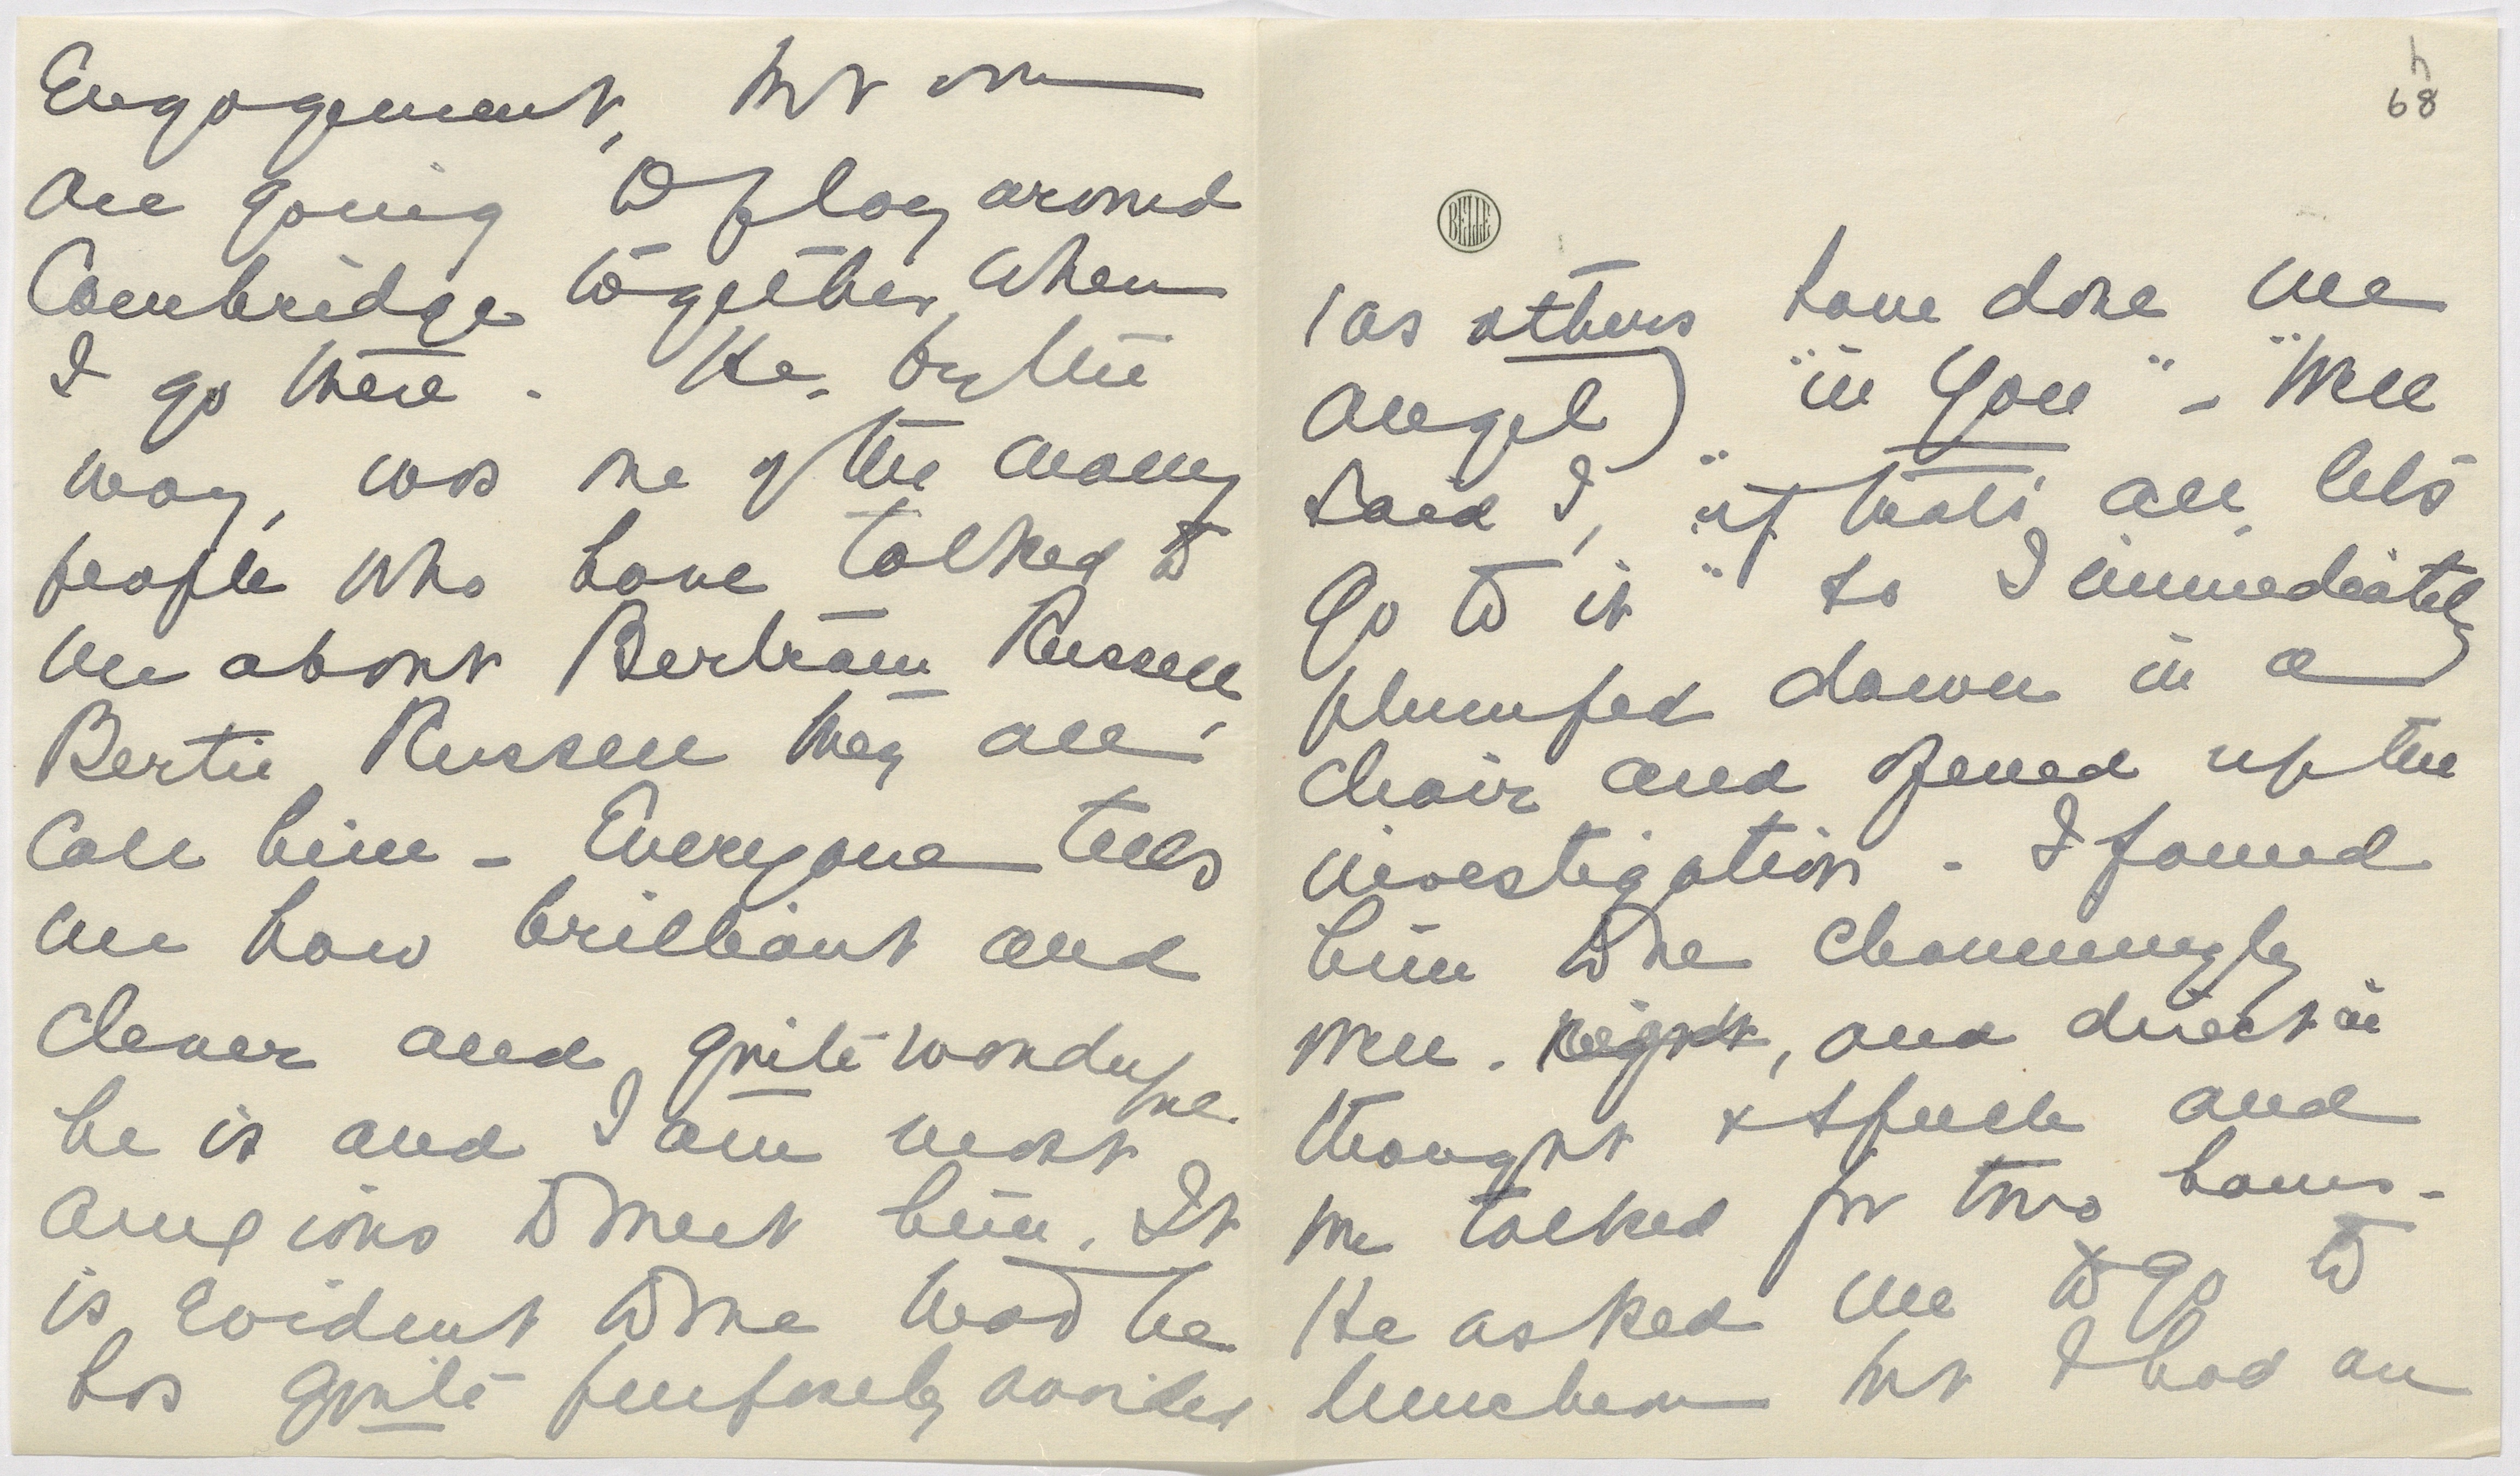(as others have done me angel) “in you” – “Well said I, if that’s all lets go to it” so I immediately plumped down in a chair and opened up the investigation – I found him to be charmingly well, right, and direct in thought & speech and we talked for two hours – He asked me to go to luncheon but I had an
engagement, but we are going to play around Cambridge together when I go there. He, by the way, was one of the many people who have talked to me about Bertram Russell, Bertie Russell they all call him – Everyone tells me how brilliant and clever and quite wonderful he is and I am most anxious to meet him. It is evident to me that he has quite purposely avoided